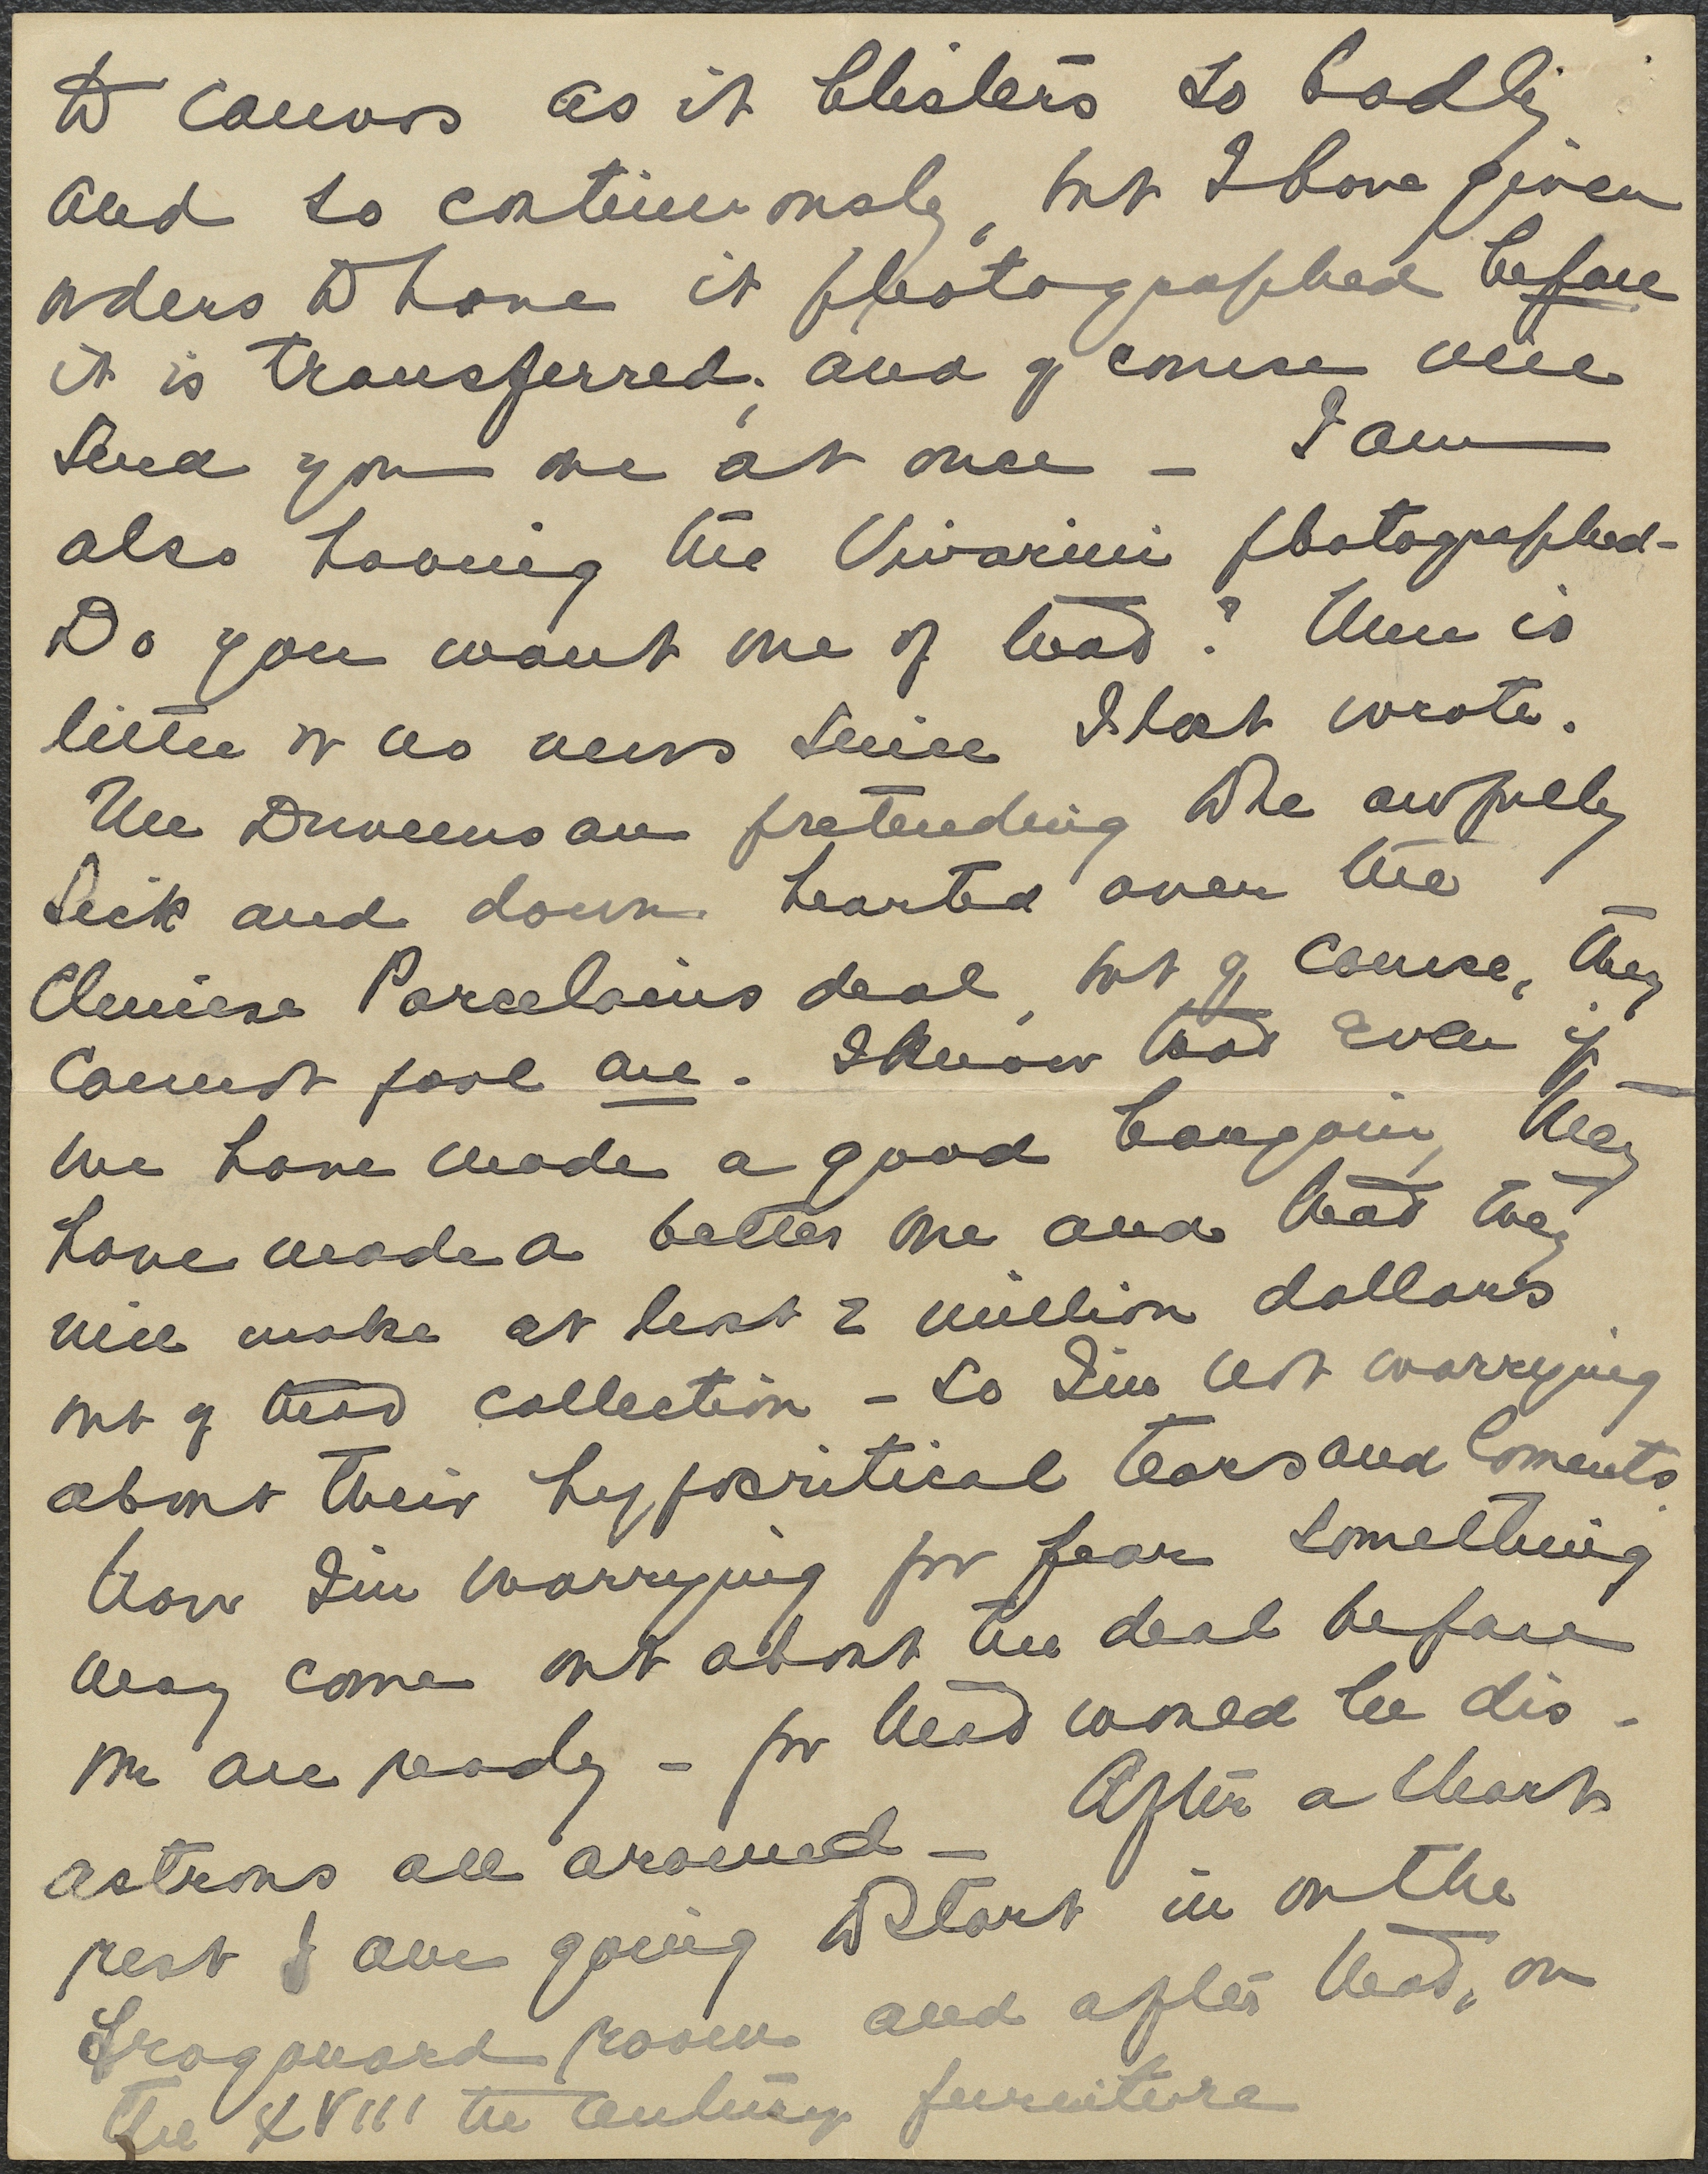to canvas as it blisters so badly and so continuously, but I have given orders to have it photographed before it is transferred; and of course will send you one at once – I am also having the Vivarini photographed – Do you want one of that? There is little or no news since I last wrote. The Duveens are pretending to be awfully sick and down hearted over the Chinese Porcelains deal, but of course, they cannot fool me. I know that even if we have made a good bargain, they have made a better one and that they will make at least 2 million dollars out of that collection – so I’m not worrying about their hypocritical tears and laments. Now I’m worrying for fear something may come out about the deal before we are ready – for that would be disastrous all around – After a short rest I am going to start in on the Fragonard room and after that, on the XVIIIth century furniture